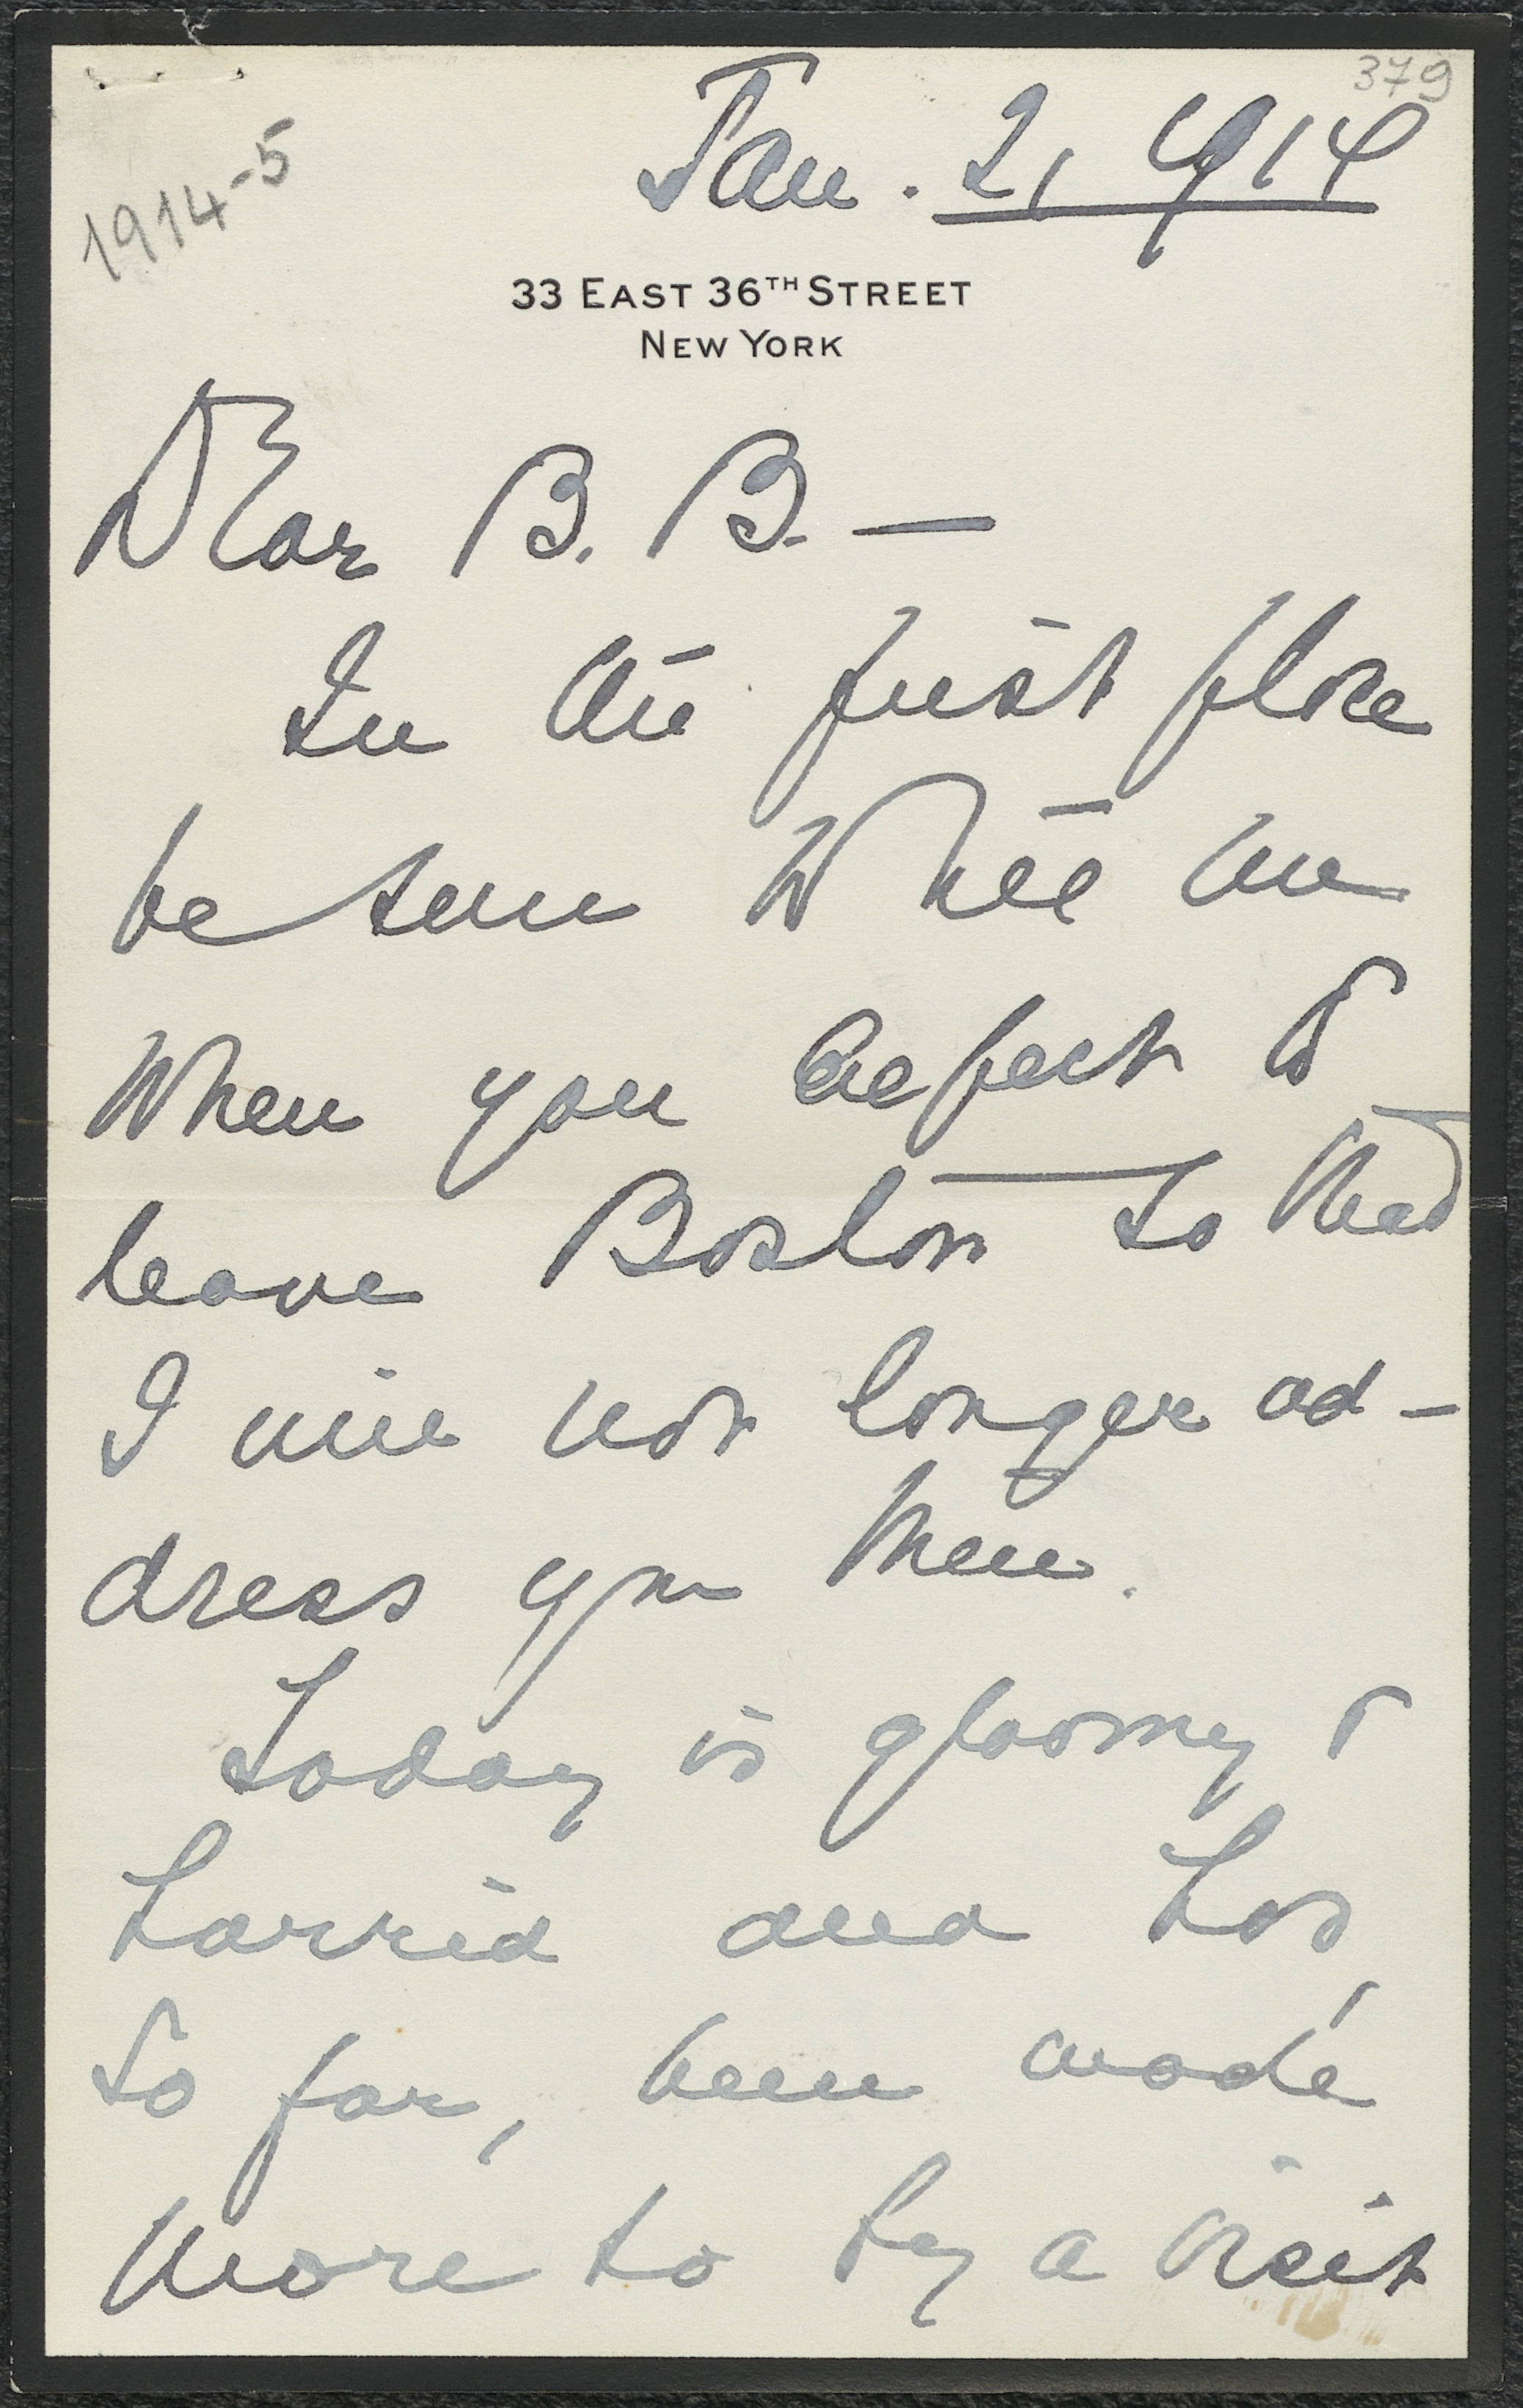Jan. 2, 1914
Dear B.B. –
In the first place be sure to tell me when you expect to leave Boston so that I will not longer address you there.
Today is gloomy & horrid and has, so far, been made more so by a visit